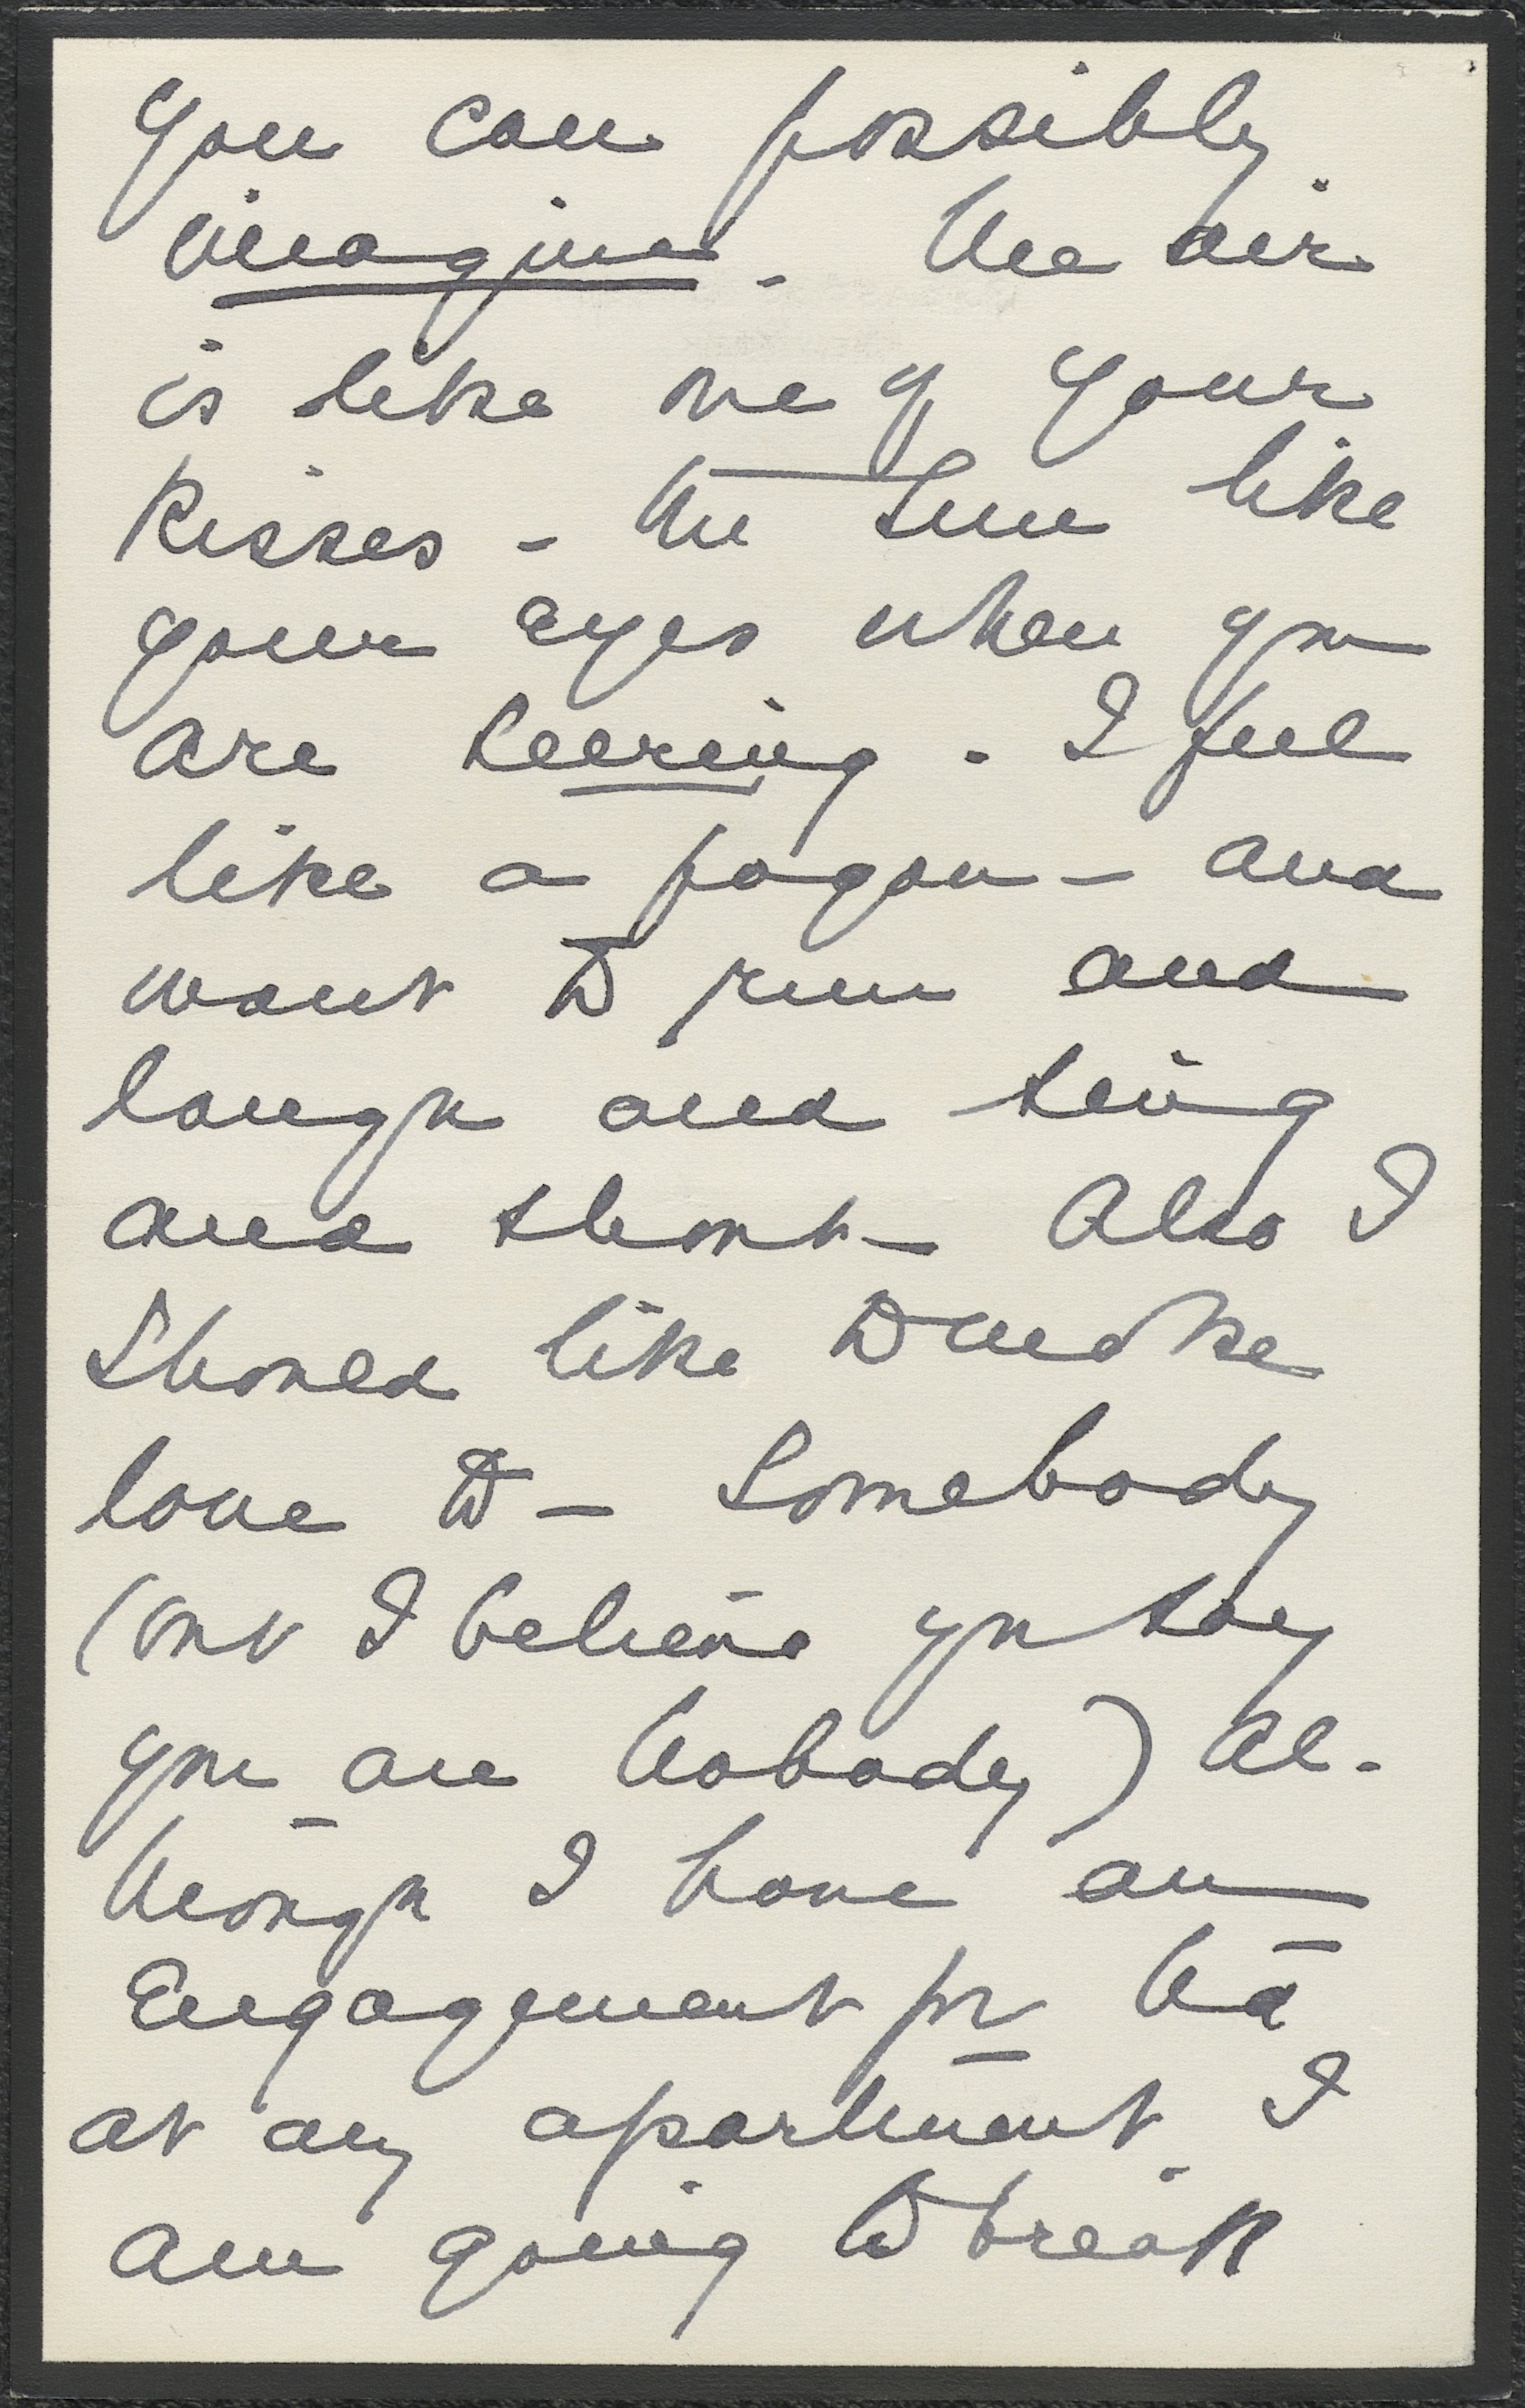you can possibly imagine. The air is like one of your kisses – the sun like your eyes when you are leering. I feel like a pagan – and want to run and laugh and sing and shout – Also I should like to make love to – somebody (but I believe you say you are nobody) Although I have an engagement for tea at my apartment, I am going to break